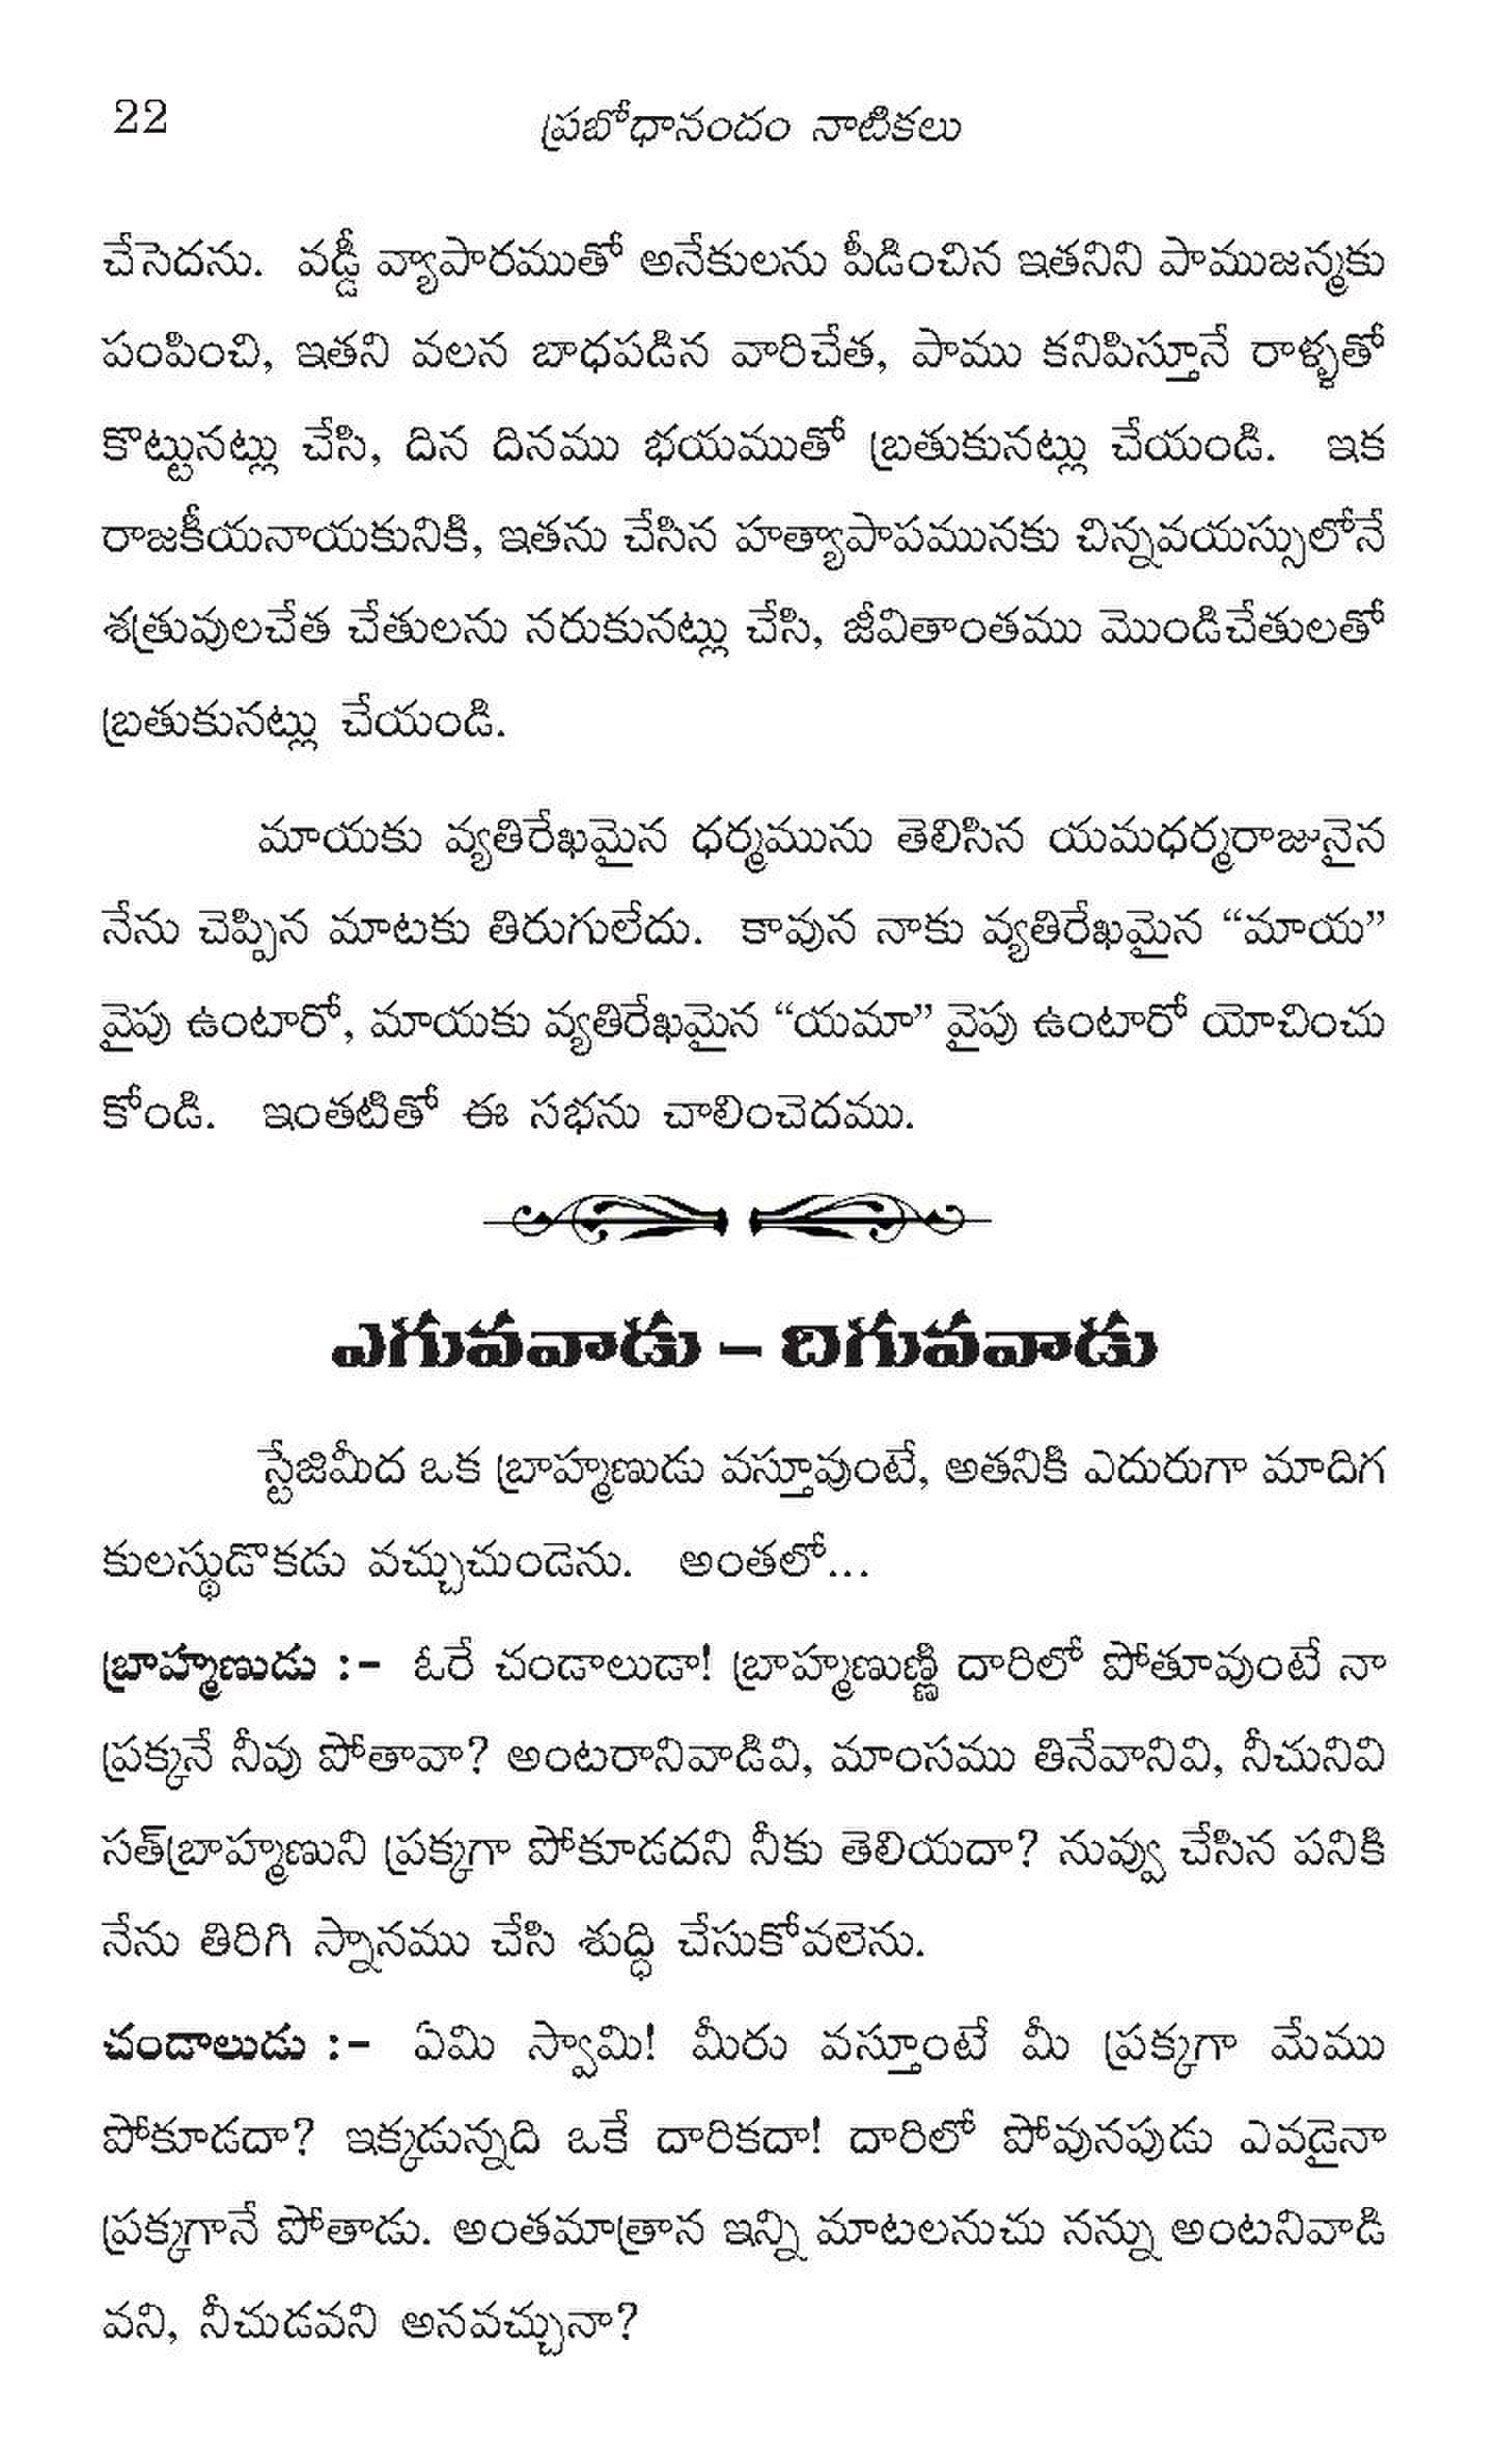చేసెదను. వడ్డీ వ్యాపారముతో అనేకులను పీడించిన ఇతనిని పాముజన్మకు పంపించి, ఇతని వలన బాధపడిన వారిచేత, పాము కనిపిస్తూనే రాళ్ళతో కొట్టునట్లు చేసి, దిన దినము భయముతో బ్రతుకునట్లు చేయండి. ఇక రాజకీయనాయకునికి, ఇతను చేసిన హత్యాపాపమునకు చిన్నవయస్సులోనే శత్రువులచేత చేతులను నరుకునట్లు చేసి, జీవితాంతము మొండిచేతులతో బ్రతుకునట్లు చేయండి.

మాయకు వ్యతిరేఖమైన ధర్మమును తెలిసిన యమధర్మరాజునైన నేను చెప్పిన మాటకు తిరుగులేదు. కావున నాకు వ్యతిరేఖమైన ‘‘మాయ’’ వైపు ఉంటారో, మాయకు వ్యతిరేఖమైన ‘‘యమా’’ వైపు ఉంటారో యోచించు కోండి. ఇంతటితో ఈ సభను చాలించెదము.

స్టేజిమీద ఒక బ్రాహ్మణుడు వస్తూవుంటే, అతనికి ఎదురుగా మాదిగ కులస్థుడొకడు వచ్చుచుండెను. అంతలో...

బ్రాహ్మణుడు :- ఓరే చండాలుడా! బ్రాహ్మణుణ్ణి దారిలో పోతూవుంటే నా ప్రక్కనే నీవు పోతావా? అంటరానివాడివి, మాంసము తినేవానివి, నీచునివి సత్‌బ్రాహ్మణుని ప్రక్కగా పోకూడదని నీకు తెలియదా? నువ్వు చేసిన పనికి నేను తిరిగి స్నానము చేసి శుద్ధి చేసుకోవలెను.

చండాలుడు :-	ఏమి స్వామి! మీరు వస్తూంటే మీ ప్రక్కగా మేము పోకూడదా? ఇక్కడున్నది ఒకే దారికదా! దారిలో పోవునపుడు ఎవడైనా ప్రక్కగానే పోతాడు. అంతమాత్రాన ఇన్ని మాటలనుచు నన్ను అంటనివాడి వని, నీచుడవని అనవచ్చునా?